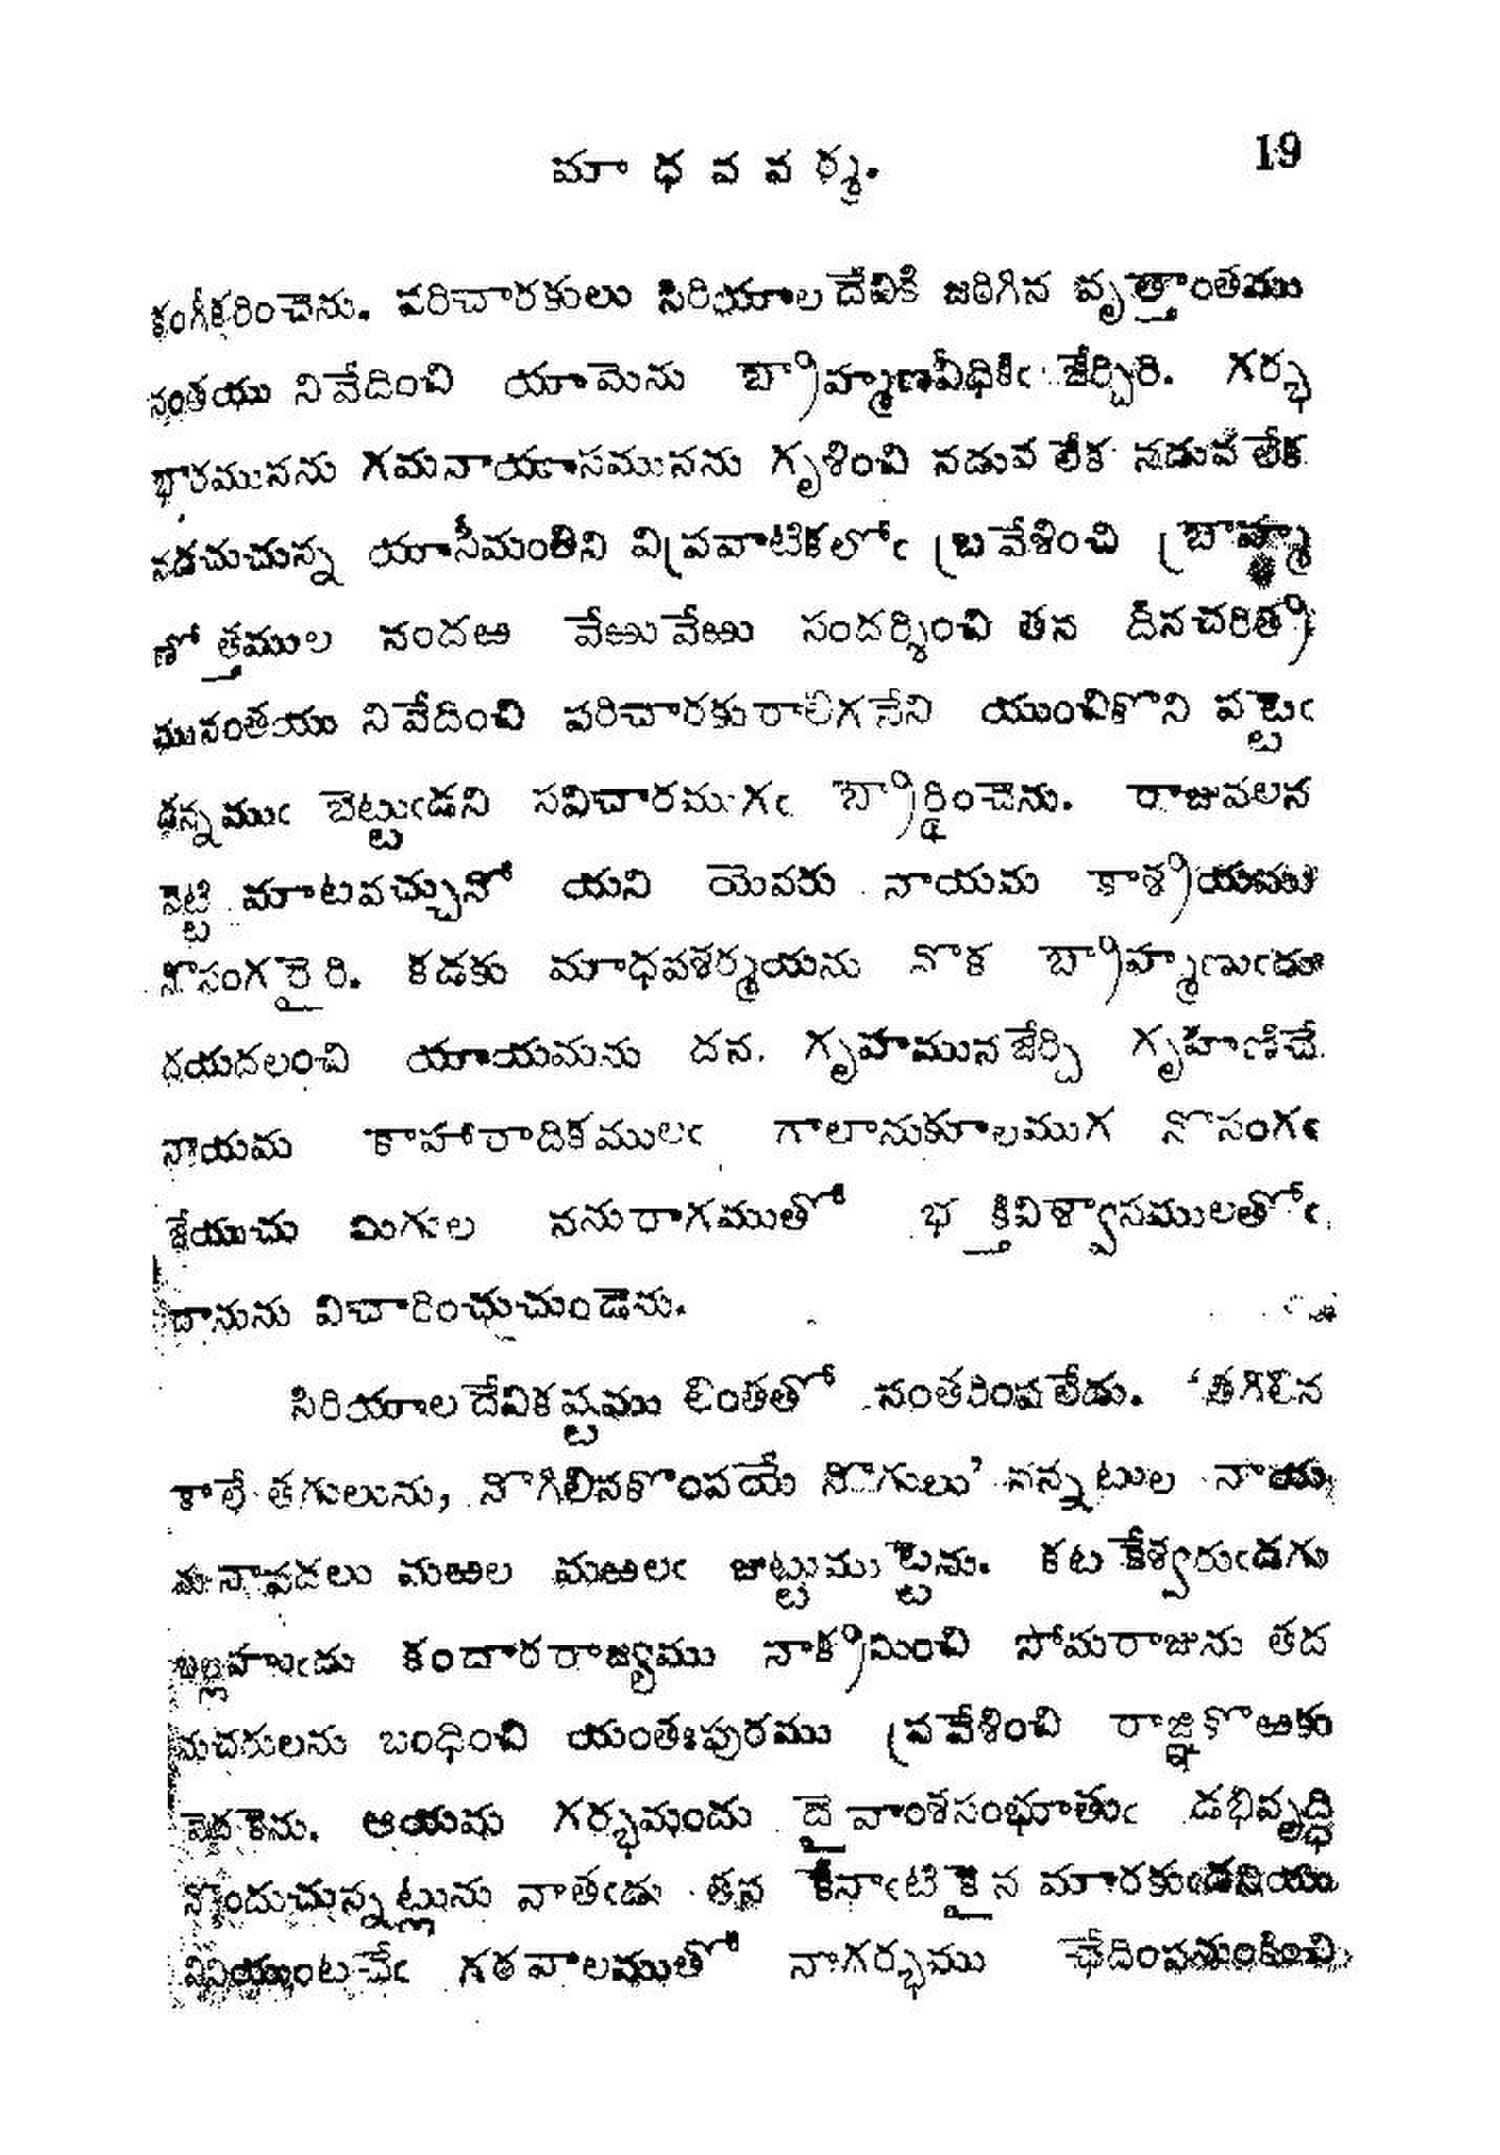కంగీకరించెను. పరిచారకులు సిరియాలదేవికి జరిగిన వృత్తాంతము నంతయు నివేదించి యామెను బ్రాహ్మణవీధికి జేర్చిరి. గర్భభారమునను గమనాయాసమునను గృశించి నడువలేక నడువలేక నడచుచున్న యాసీమంతిని విప్రవాటికలో బ్రవేశించి బ్రాహ్మణోత్తముల నందఱ వేఱు వేఱు సందర్శించి తన దీనచరిత్రమునంతయు నివేదించి పరిచారకురాలిగనేని యుంచికొని పట్టెడన్నము బెట్టుడని సవిచారముగ బ్రార్థించెను. రాజువలన నెట్టి మాటవచ్చునో యని యెవరు నాయమ కాశ్రయము నొసంగరైరి. కడకు మాధవశర్మయను నొక బ్రాహ్మణుడు దయదలంచి యాయమను దన గృహమునజేర్చి గృహిణిచే నాయమ కాహారాదికముల గాలానుకూలముగ నొసంగ జేయుచు మిగుల ననురాగముతో భక్తివిశ్వాసములతో దానును విచారించుచుండెను.

సిరియాల దేవికష్టము లొంతతో నంతరింపలేదు. 'తగిలిన కాలే తగులును, నొగిలినకొంపయే నొగులు' నన్నటుల నాయమనాపదలు మఱల మఱల జుట్టుముట్టెను. కటకేశ్వరుడగు బల్లహుడు కందారరాజ్యము నాక్రమించి సోమరాజును తదకు అనుచరులను బంధించి యంత:పురము ప్రవేశించి రాజ్ఞికొఱకు వెదకెను. ఆయమ గర్భమందు దైవాంశసంభూతు డభివృద్ధి నొందుచున్నట్లును నాతడు తన కేనాటికైన మారకుండనియు వినియుంటచే గరవాలముతో నాగర్భము ఛేదింపనులకించి